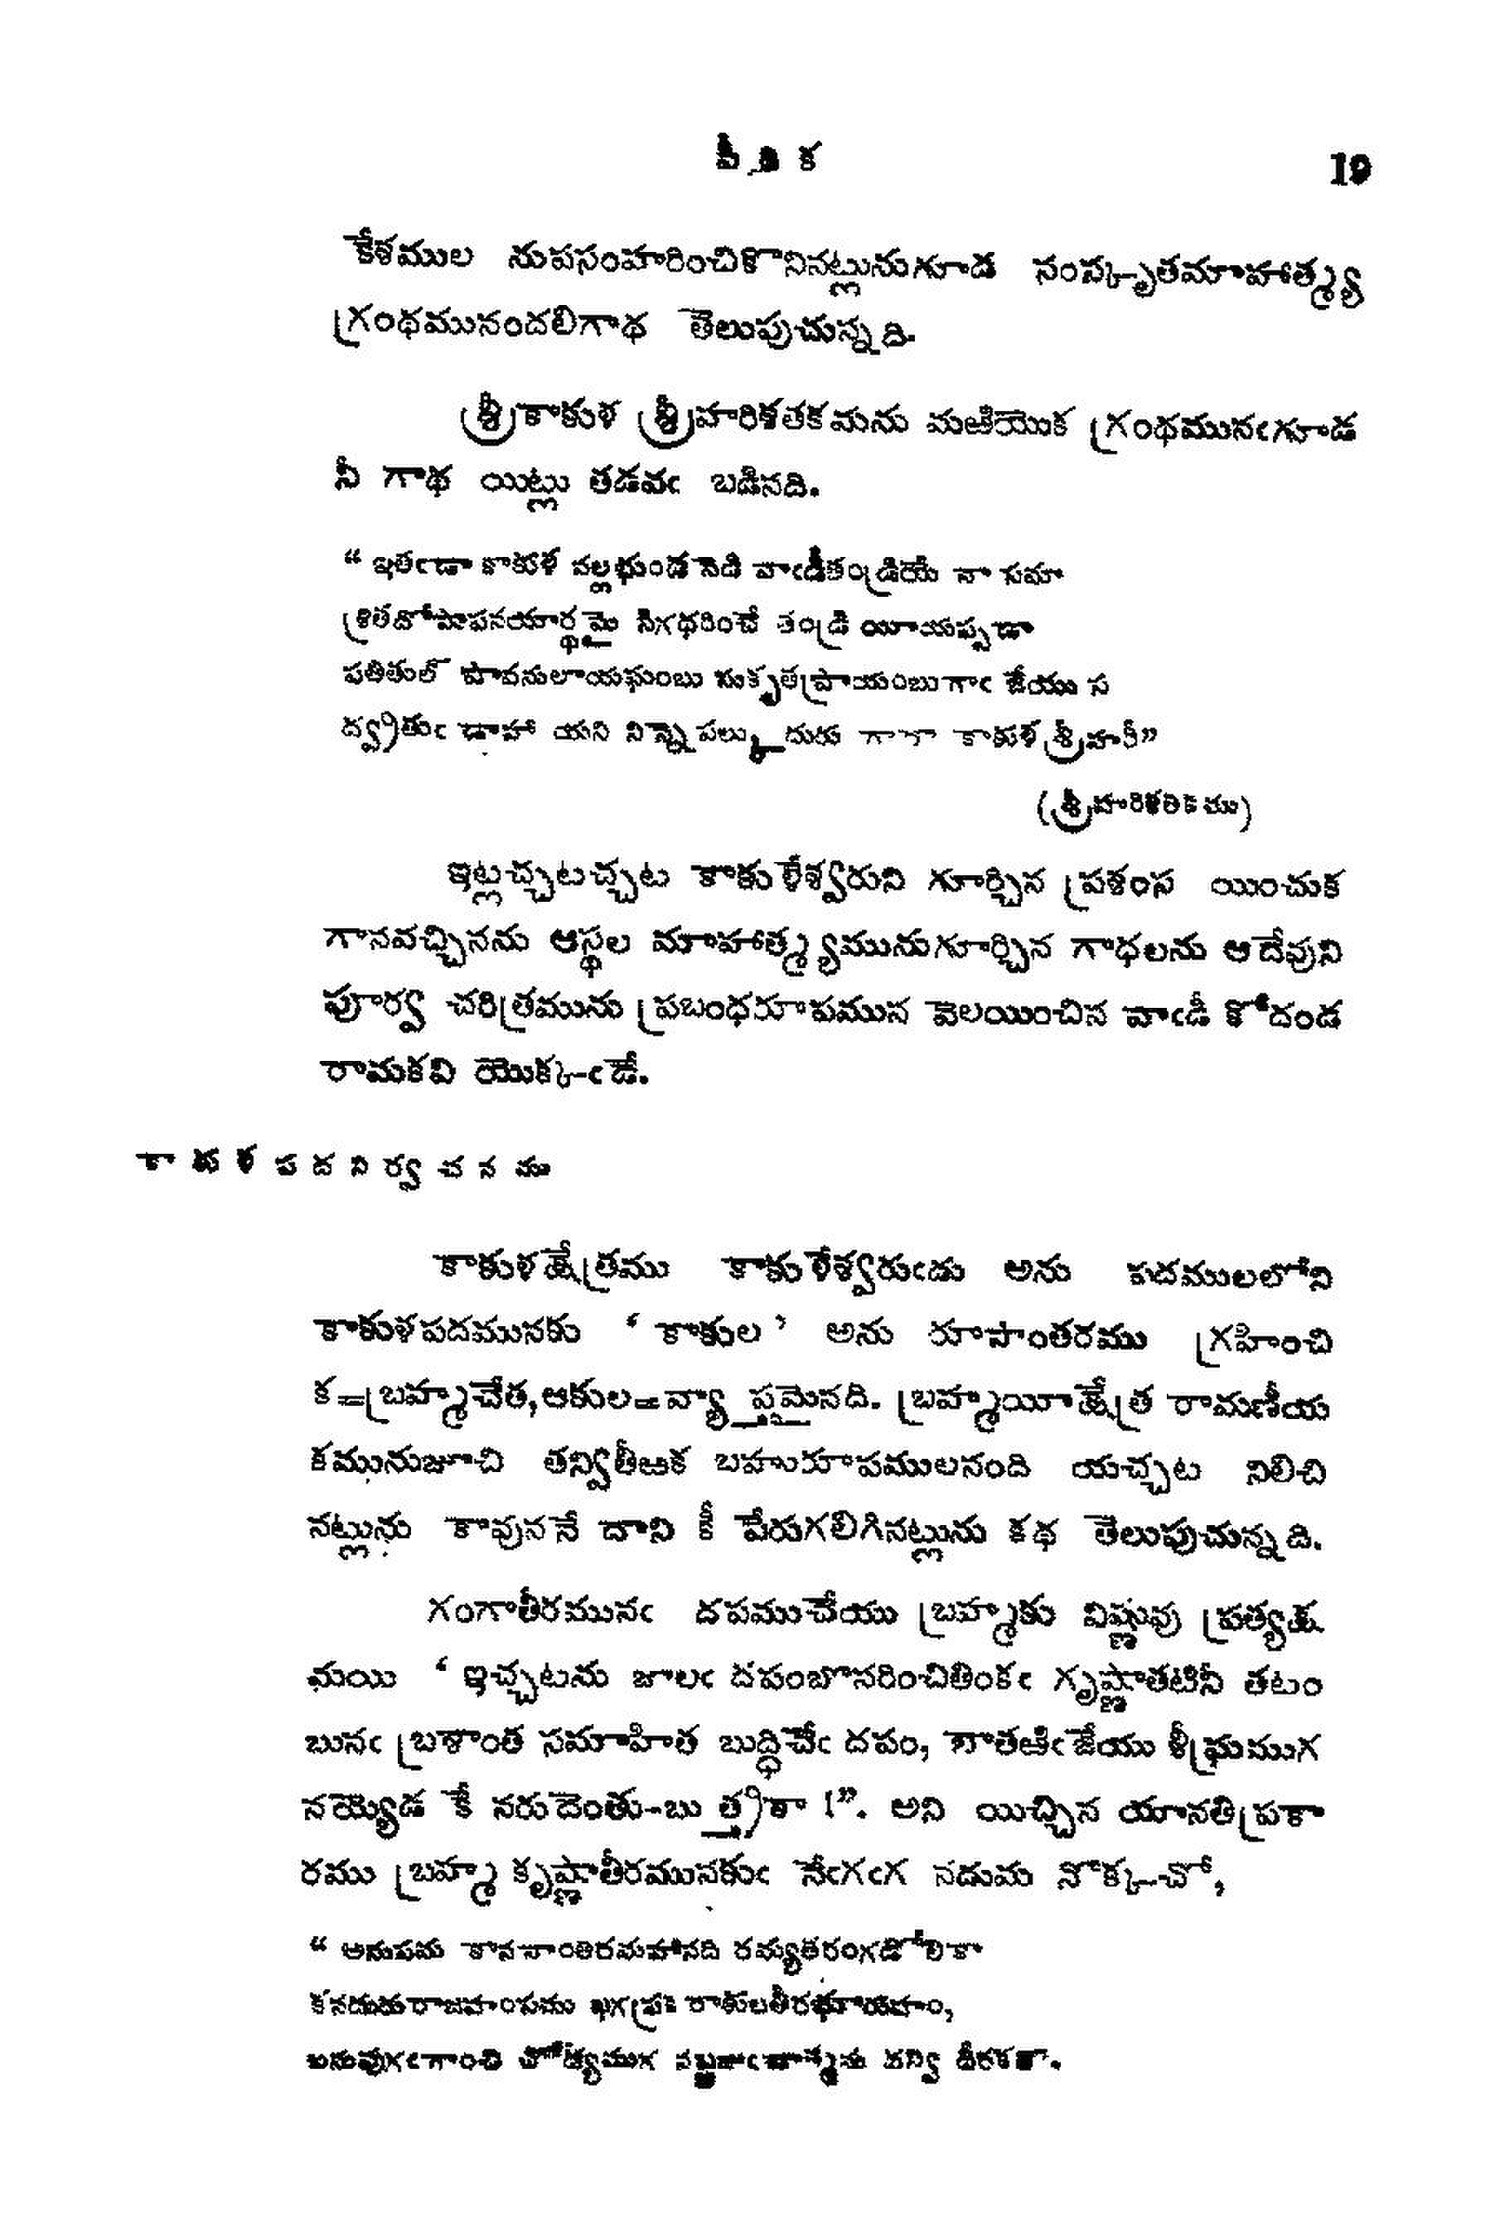కేశములు నుపసంహరించి కొనినట్లును గూడ సంస్కృతమాహాత్మ్య గ్రంథమునందలిగాథ తెలుపుచున్నది.

శ్రీకాకుళ శ్రీహరిశతకమను మఱియొక గ్రంథమునఁ గూడ నీ గాథ యిట్లు తడవఁ బడినది.

 "ఇతఁడా కాకుళ వల్లభుండ సెడి వాడీతండ్రియే నా సమా
శ్రితదోషాపనయార్థమై సిగధరించే తండ్రి యీయప్పడా
పతితుల్ పావనులాయమంబు సుకృతప్రాయంబుగాఁ జేయు స
ద్వ్రతుఁ డాహా యని నిన్నెపల్కుదురు గాదా కాకుళ శ్రీహరీ "
(శ్రీహరిశతకము)

ఇట్లచ్చటచ్చట కాకులేశ్వరుని గూర్చిన ప్రశంస యించుక గానవచ్చినను ఆస్థల మాహాత్మ్యమును గూర్చిన గాధలను ఆదేవుని
పూర్వ చరిత్రమును ప్రబంధరూపమున వెలయించిన వాఁడీ కోదండ రామకవి యొక్క-ఁడే.

కాకుళపద నిర్వచనము 

కాకుళ క్షేత్రము కాకుళేశ్వరుఁడు అను పదములలోని కాకుళ పదమునకు 'కాకుల' అను రూపాంతరము గ్రహించి
క=బ్రహ్మచేత, ఆకుల= వ్యాప్తమైనది. బ్రహ్మయీ క్షేత్ర రామణీయకమునుజూచి తన్వితీఱక బహురూపములనంది యచ్చట నిలిచి నట్లును కావుననే దానికీ పేరుగలిగినట్లును కథ తెలుపుచున్నది.

గంగాతీరమునఁ దపముచేయు బ్రహ్మకు విష్ణువు ప్రత్యక్షమయి ' ఇచ్చటను జాలఁ దపం బొనరించితింకఁ గృష్ణాతటినీ తటం
బునఁ బ్రశాంత సమాహిత బుద్ధిచేఁ దపం, బాతఱిఁజేయు శీఘ్రముగ నయ్యెడ కే నరుదెంతు- బుత్రకా !". అని యిచ్చిన యానతి ప్రకారము బ్రహ్మ కృష్ణాతీరమునకుఁ నేఁగఁగ నడుమ నొక్కచో,

" అనుపమ కాననాంతిరమహానది రమ్యతరంగడోలికా
కనదురు రాజహంసము ఖగప్రః రాశులతీరభూరుహం,
బనువుగఁ గాంచి చోద్యముగ పబ్లజుఁడాత్మను దన్వి దీరకన్.